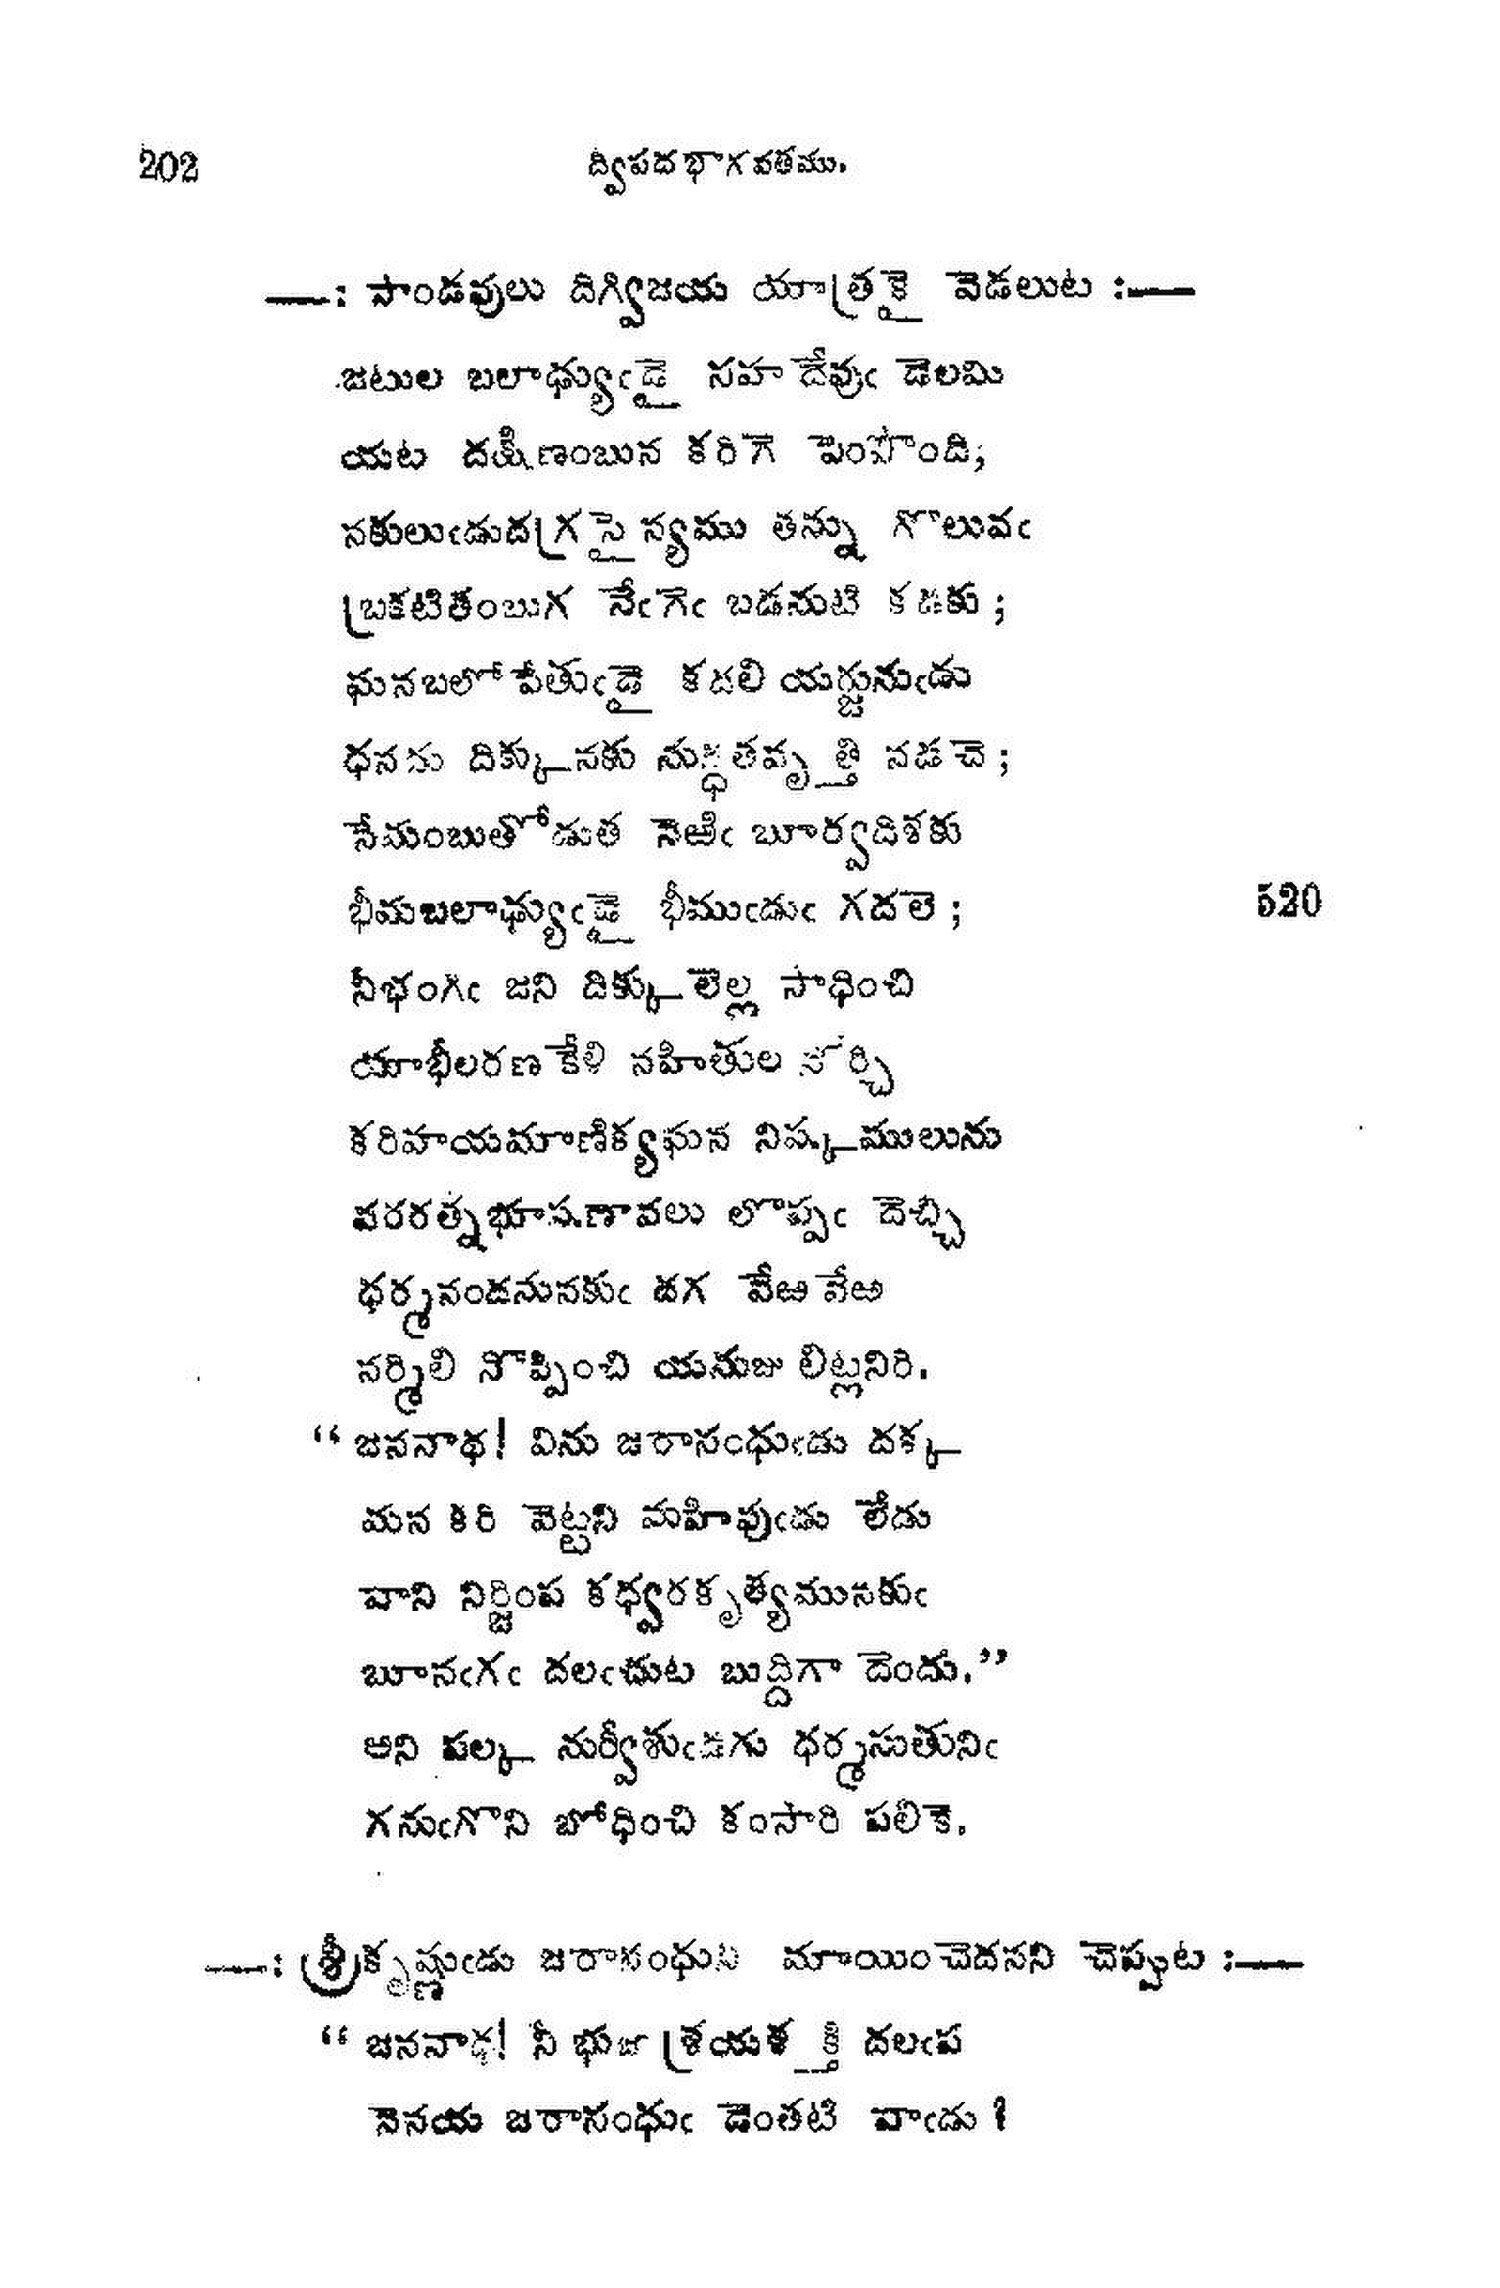పాండవులు దిగ్విజయ యాత్రకై వెడలుట
జటుల బలాఢ్యుఁడై సహదేవుఁ డెలమి
యట దక్షిణంబున కరిగె పెంపొంది; 
నకులుఁడుదగ్రసైన్యము తన్ను గొలువఁ 
బ్రకటితంబుగ నేఁగెఁ బడమటి కడకు; 
ఘనబలోపేతుఁడై కదలి యర్జునుఁడు
ధనదు దిక్కునకు నుద్ధతవృత్తి నడచె; 
సేమంబుతోడుత నెఱిఁ బూర్వదిశకు
భీమబలాఢ్యుఁడై భీముఁడుఁ గదలె;
నీభంగిఁ జని దిక్కులెల్ల సాధించి
యాభీలరణకేళి నహితుల నోర్చి
కరిహయమాణిక్యఘన నిష్కములును
వరరత్నభూషణావలు లొప్పఁ దెచ్చి
ధర్మనందనునకుఁ దగ వేఱవేఱ
నర్మిలి నొప్పించి యనుజు లిట్లనిరి. 
“జననాథ! విను జరాసంధుఁడు దక్క
మన కరి వెట్టని మహివుఁడు లేడు
వాని నిర్జింప కధ్వరకృత్యమునకుఁ
బూనఁగఁ దలఁచుట బుద్ధిగా దెందు.” 
అని పల్క నుర్వీశుఁడగు ధర్మసుతునిఁ
గనుఁగొని బోధించి కంసారి పలికె.

“జననాథ! నీభుజాశ్రయశక్తి దలఁప
నెనయ జరాసంధుఁ డెంతటి వాడు?